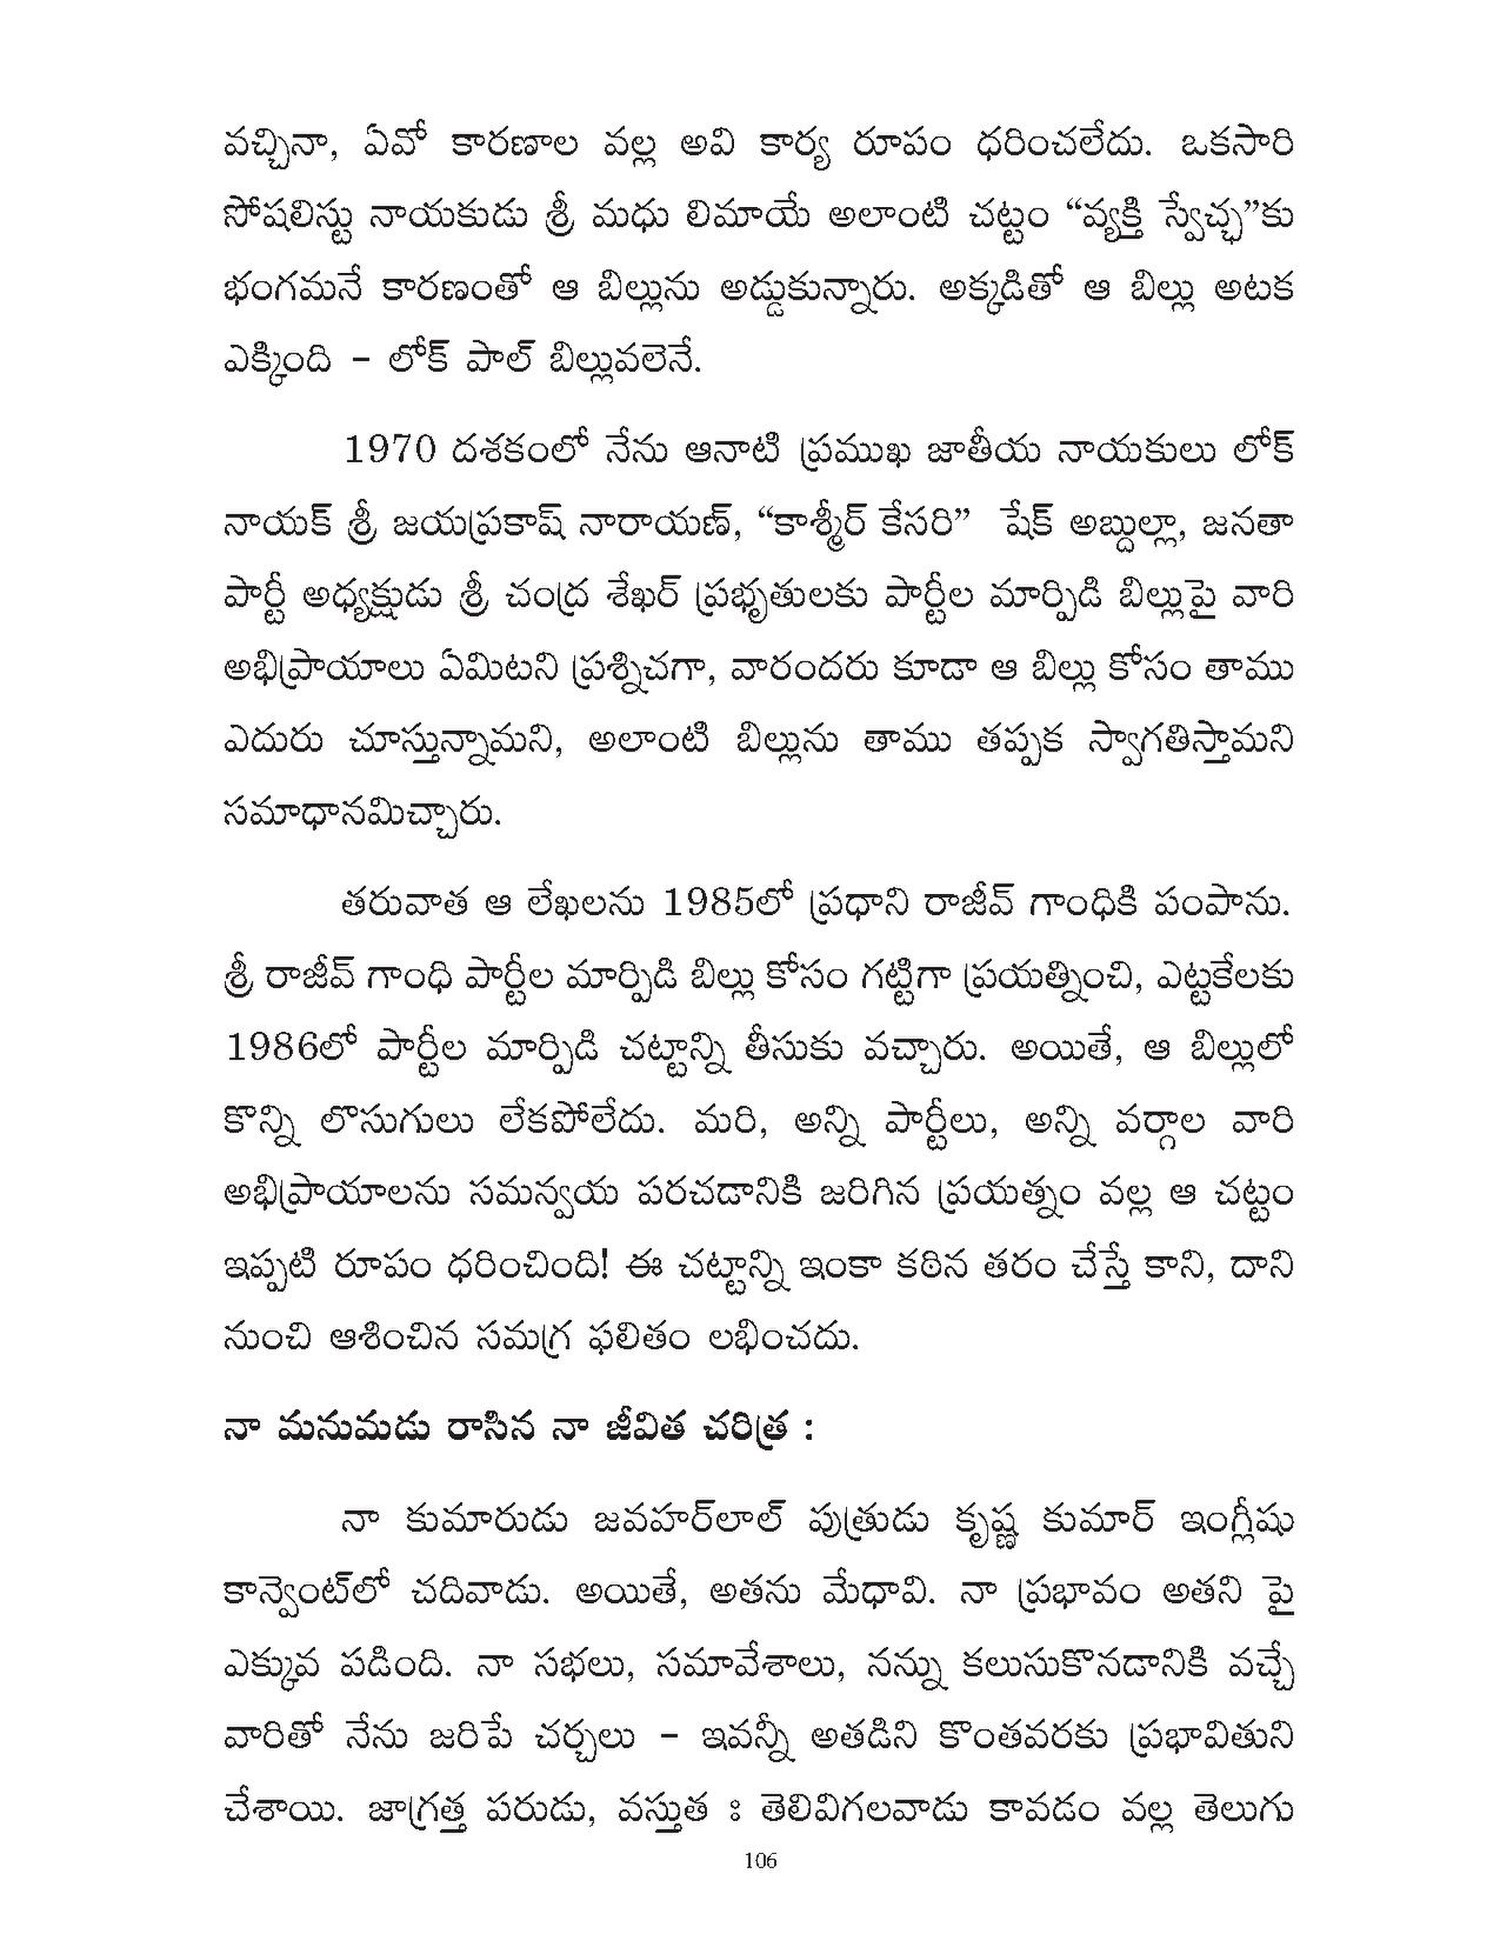వచ్చినా, ఏవో కారణాల వల్ల అవి కార్య రూపం ధరించలేదు. ఒకసారి
సోషలిస్టు నాయకుడు శ్రీ మధు లిమాయే అలాంటి చట్టం "వ్యక్తి స్వేచ్ఛ"కు
భంగమనే కారణంతో ఆ బిల్లును అడ్డుకున్నారు. అక్కడితో ఆ బిల్లు అటక
ఎక్కింది - లోక్‌ పాల్‌ బిల్లువలెనే.

1970 దశకంలో నేను ఆనాటి ప్రముఖ జాతీయ నాయకులు లోక్‌
నాయక్‌ శ్రీ జయప్రకాష్‌ నారాయణ్‌, "కాశ్మీర్‌ కేసరి" షేక్‌ అబ్దుల్లా, జనతా
పార్టీ అధ్యక్షుడు శ్రీ చంద్ర శేఖర్‌ ప్రభృతులకు పార్టీల మార్పిడి బిల్లుపై వారి
అభిప్రాయాలు ఏమిటని ప్రశ్నించగా, వారందరు కూడా ఆ బిల్లు కోసం తాము
ఎదురు చూస్తున్నామని, అలాంటి బిల్లును తాము తప్పక స్వాగతిస్తామని
సమాధానమిచ్చారు.

తరువాత ఆ లేఖలను 1985లో ప్రధాని రాజీవ్‌ గాంధికి పంపాను.
శ్రీ రాజీవ్‌ గాంధి పార్టీల మార్పిడి బిల్లు కోసం గట్టిగా ప్రయత్నించి, ఎట్టకేలకు
1986లో పార్టీల మార్పిడి చట్టాన్ని తీసుకు వచ్చారు. అయితే, ఆ బిల్లులో
కొన్ని లొసుగులు లేకపోలేదు. మరి, అన్ని పార్టీలు, అన్ని వర్గాల వారి
అభిప్రాయాలను సమన్వయ పరచడానికి జరిగిన ప్రయత్నం వల్ల ఆ చట్టం
ఇప్పటి రూపం ధరించింది! ఈ చట్టాన్ని ఇంకా కఠిన తరం చేస్తే కాని, దాని
నుంచి ఆశించిన సమగ్ర ఫలితం లభించదు.

నా మనుమడు రాసిన నా జీవిత చరిత్ర :

నా కుమారుడు జవహర్‌లాల్‌ పుత్రుడు కృష్ణ కుమార్‌ ఇంగ్లీషు
కాన్వెంట్‌లో చదివాడు. అయితే, అతను మేధావి. నా ప్రభావం అతని పై
ఎక్కువ పడింది. నా సభలు, సమావేశాలు, నన్ను కలుసుకొనడానికి వచ్చే
వారితో నేను జరిపే చర్చలు - ఇవన్నీ అతడిని కొంతవరకు ప్రభావితుని
చేశాయి. జాగ్రత్త పరుడు, వస్తుతః తెలివిగలవాడు కావడం వల్ల తెలుగు